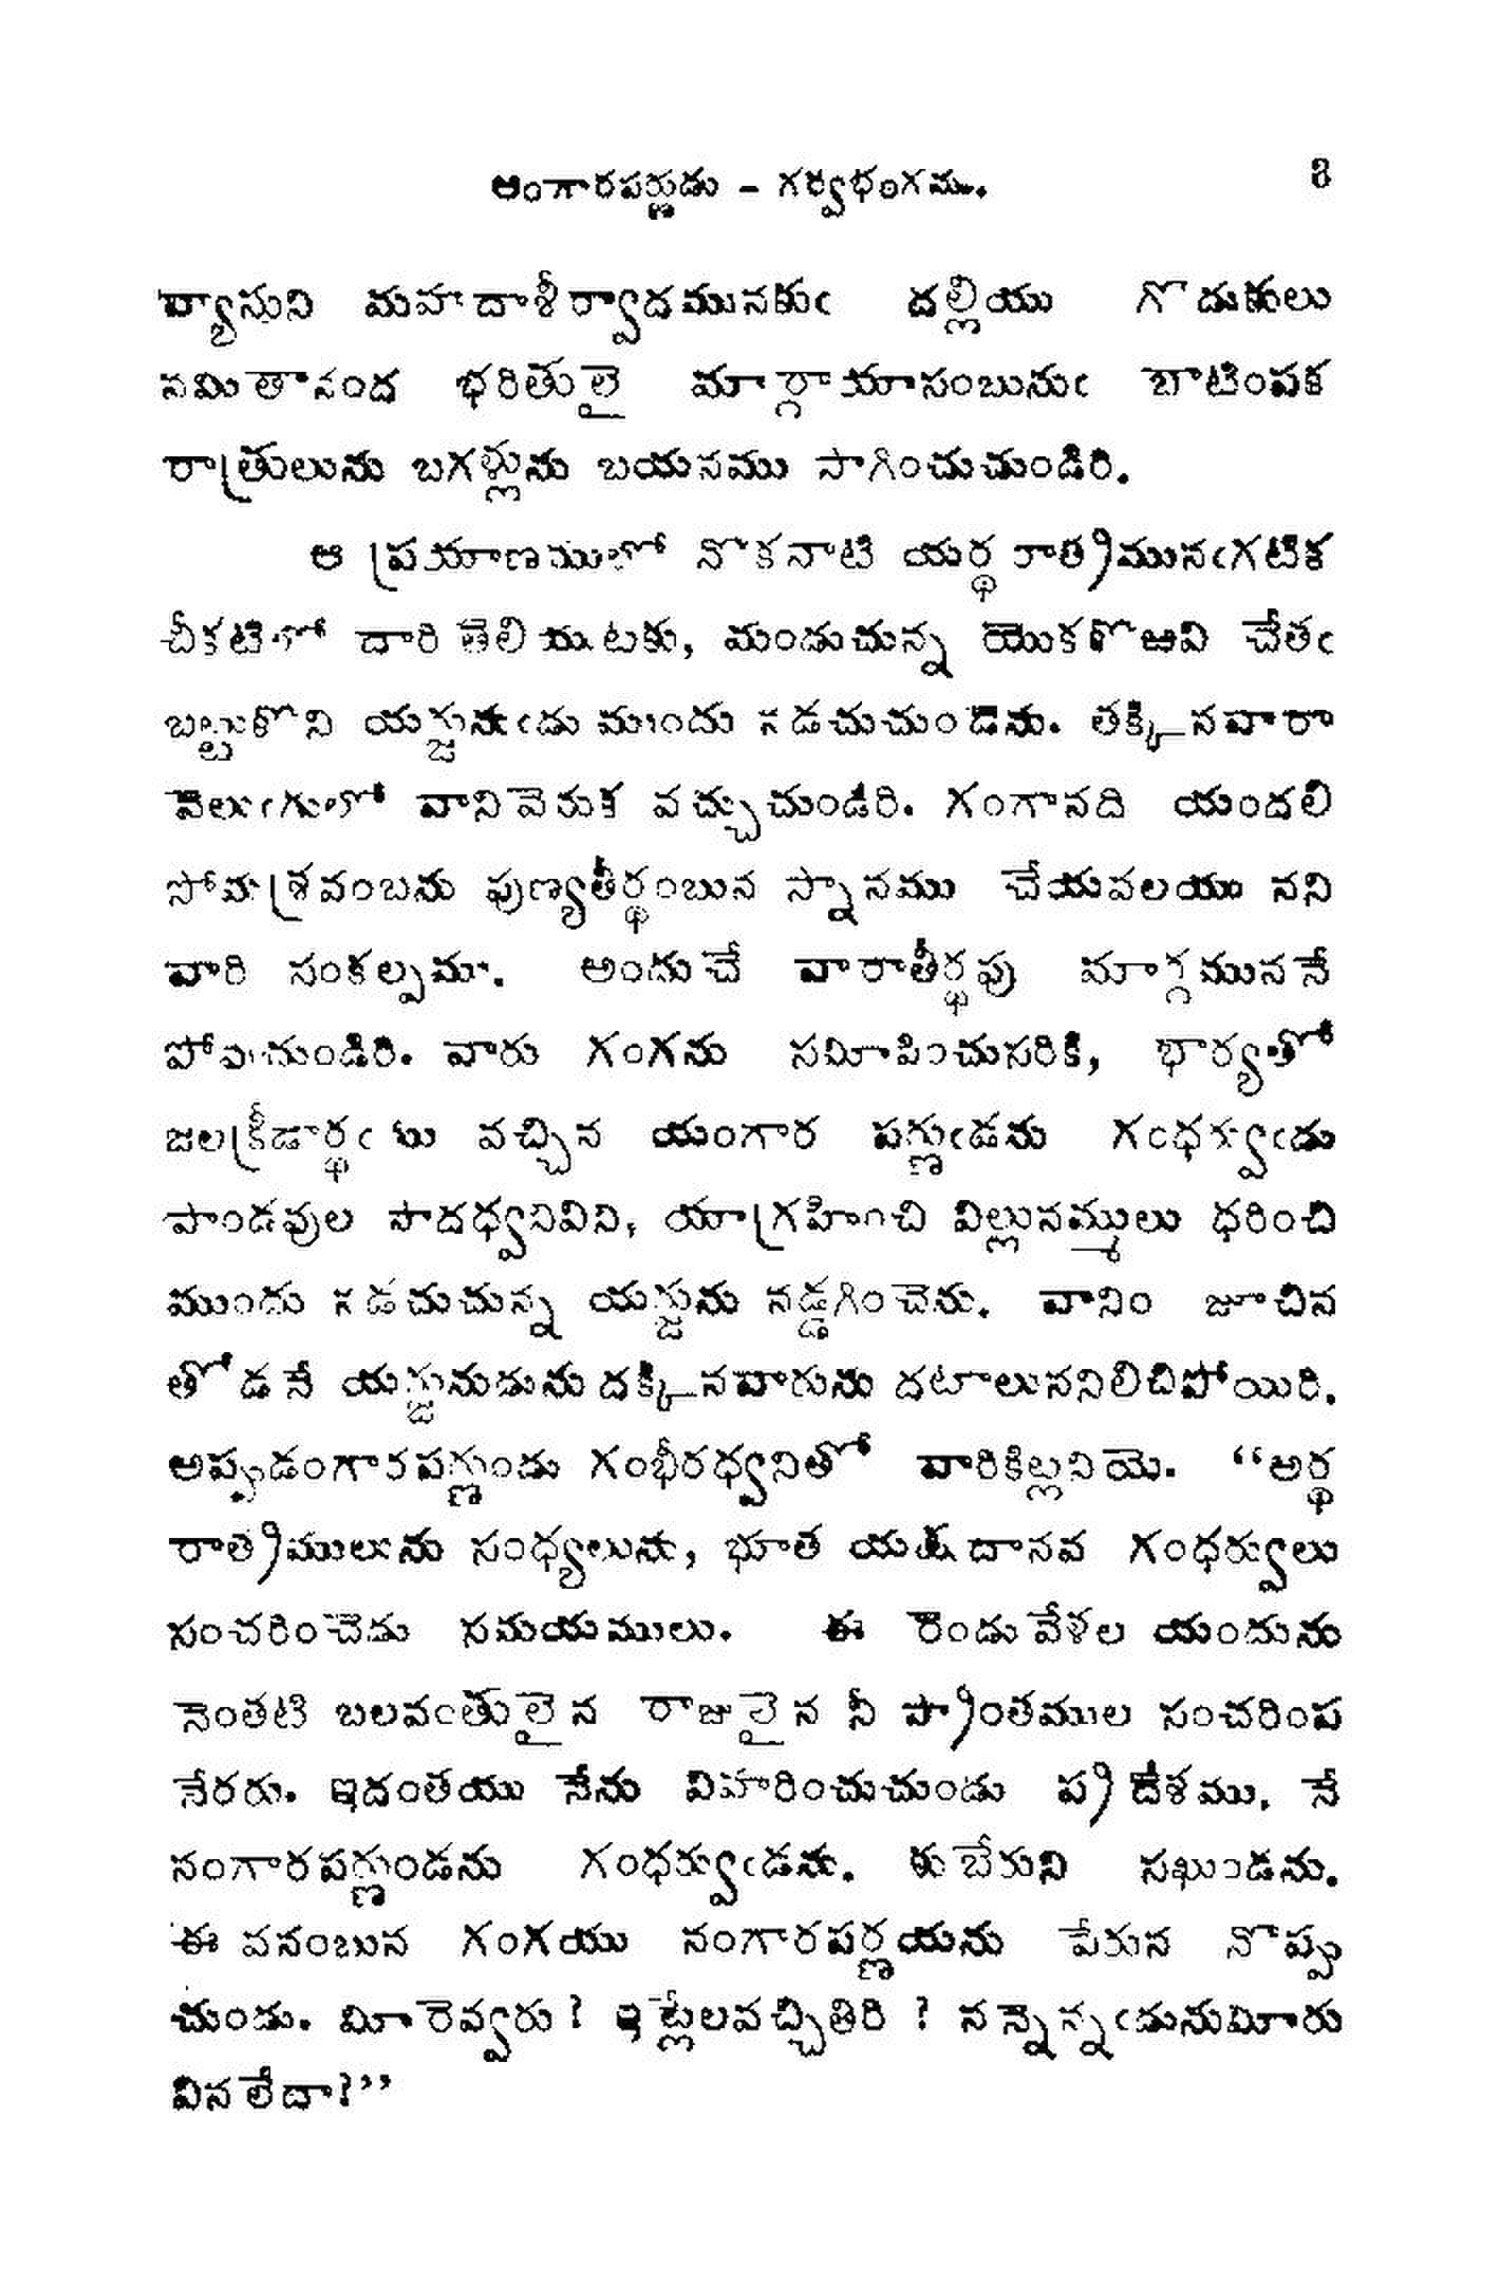వ్యాసుని మహదాశీర్వాదమునకుఁ దల్లియు గొడుకులు నమితానంద భరితులై మార్గాయాసంబునుఁ బాటింపక రాత్రులును బగళ్లును బయనము సాగించుచుండిరి.

ఆ ప్రయాణములో నొకనాటి యర్థ రాత్రమునఁగటిశ చీకటిలో దారి తెలియుటకు, మండుచున్న యొక కొఱవి చేతఁ బట్టుకొని యర్జునుఁడు ముందు నడచుచుండెను. తక్కినవారా వెలుఁగులో వానివెనుక వచ్చుచుండిరి. గంగానది యందలి సోమశ్రవంబను పుణ్యతీర్థంబున స్నానము చేయవలయు నని వారి సంకల్పము. అందుచే వారాతీర్థపు మార్గముననే పోవుచుండిరి. వారు గంగను సమీపించుసరికి, భార్యతో జలక్రీడార్థము వచ్చిన యంగార పర్ణుఁడను గంధర్వఁడు పాండవుల పాదధ్వనివిని, యాగ్రహించి విల్లునమ్ములు ధరించి ముందు నడచుచున్న యర్జను నడ్డగించెను. వానిం జూచిన తోడనే యర్జనుడును దక్కినవారుసు దటాలుననిలిచిపోయిరి. అప్పుడంగార పర్ణుండు గంభీరధ్వనితో వారికిట్లనియె. "అర్థ రాత్రములు ను సంధ్యలును, భూత యక్ష దానవ గంధర్వులు సంచరించెడు సమయములు. ఈ రెండు వేళల యందును నెంతటి బలవంతులైన రాజులైన నీ ప్రాంతముల సంచరింప నేరరు. ఇదంతయు నేను విహరించుచుండు ప్రదేశము, నే సంగారపర్ణుండను గంధర్వుఁడను. కుబేరుని సఖుండను. ఈ వనంబున గంగయు నంగారపర్ణయను పేరున నొప్పుచుండు. మీరెవ్వరు ! ఇట్లేలవచ్చితిరి ! నన్నెన్నఁడును మీరు వినలేదా?"